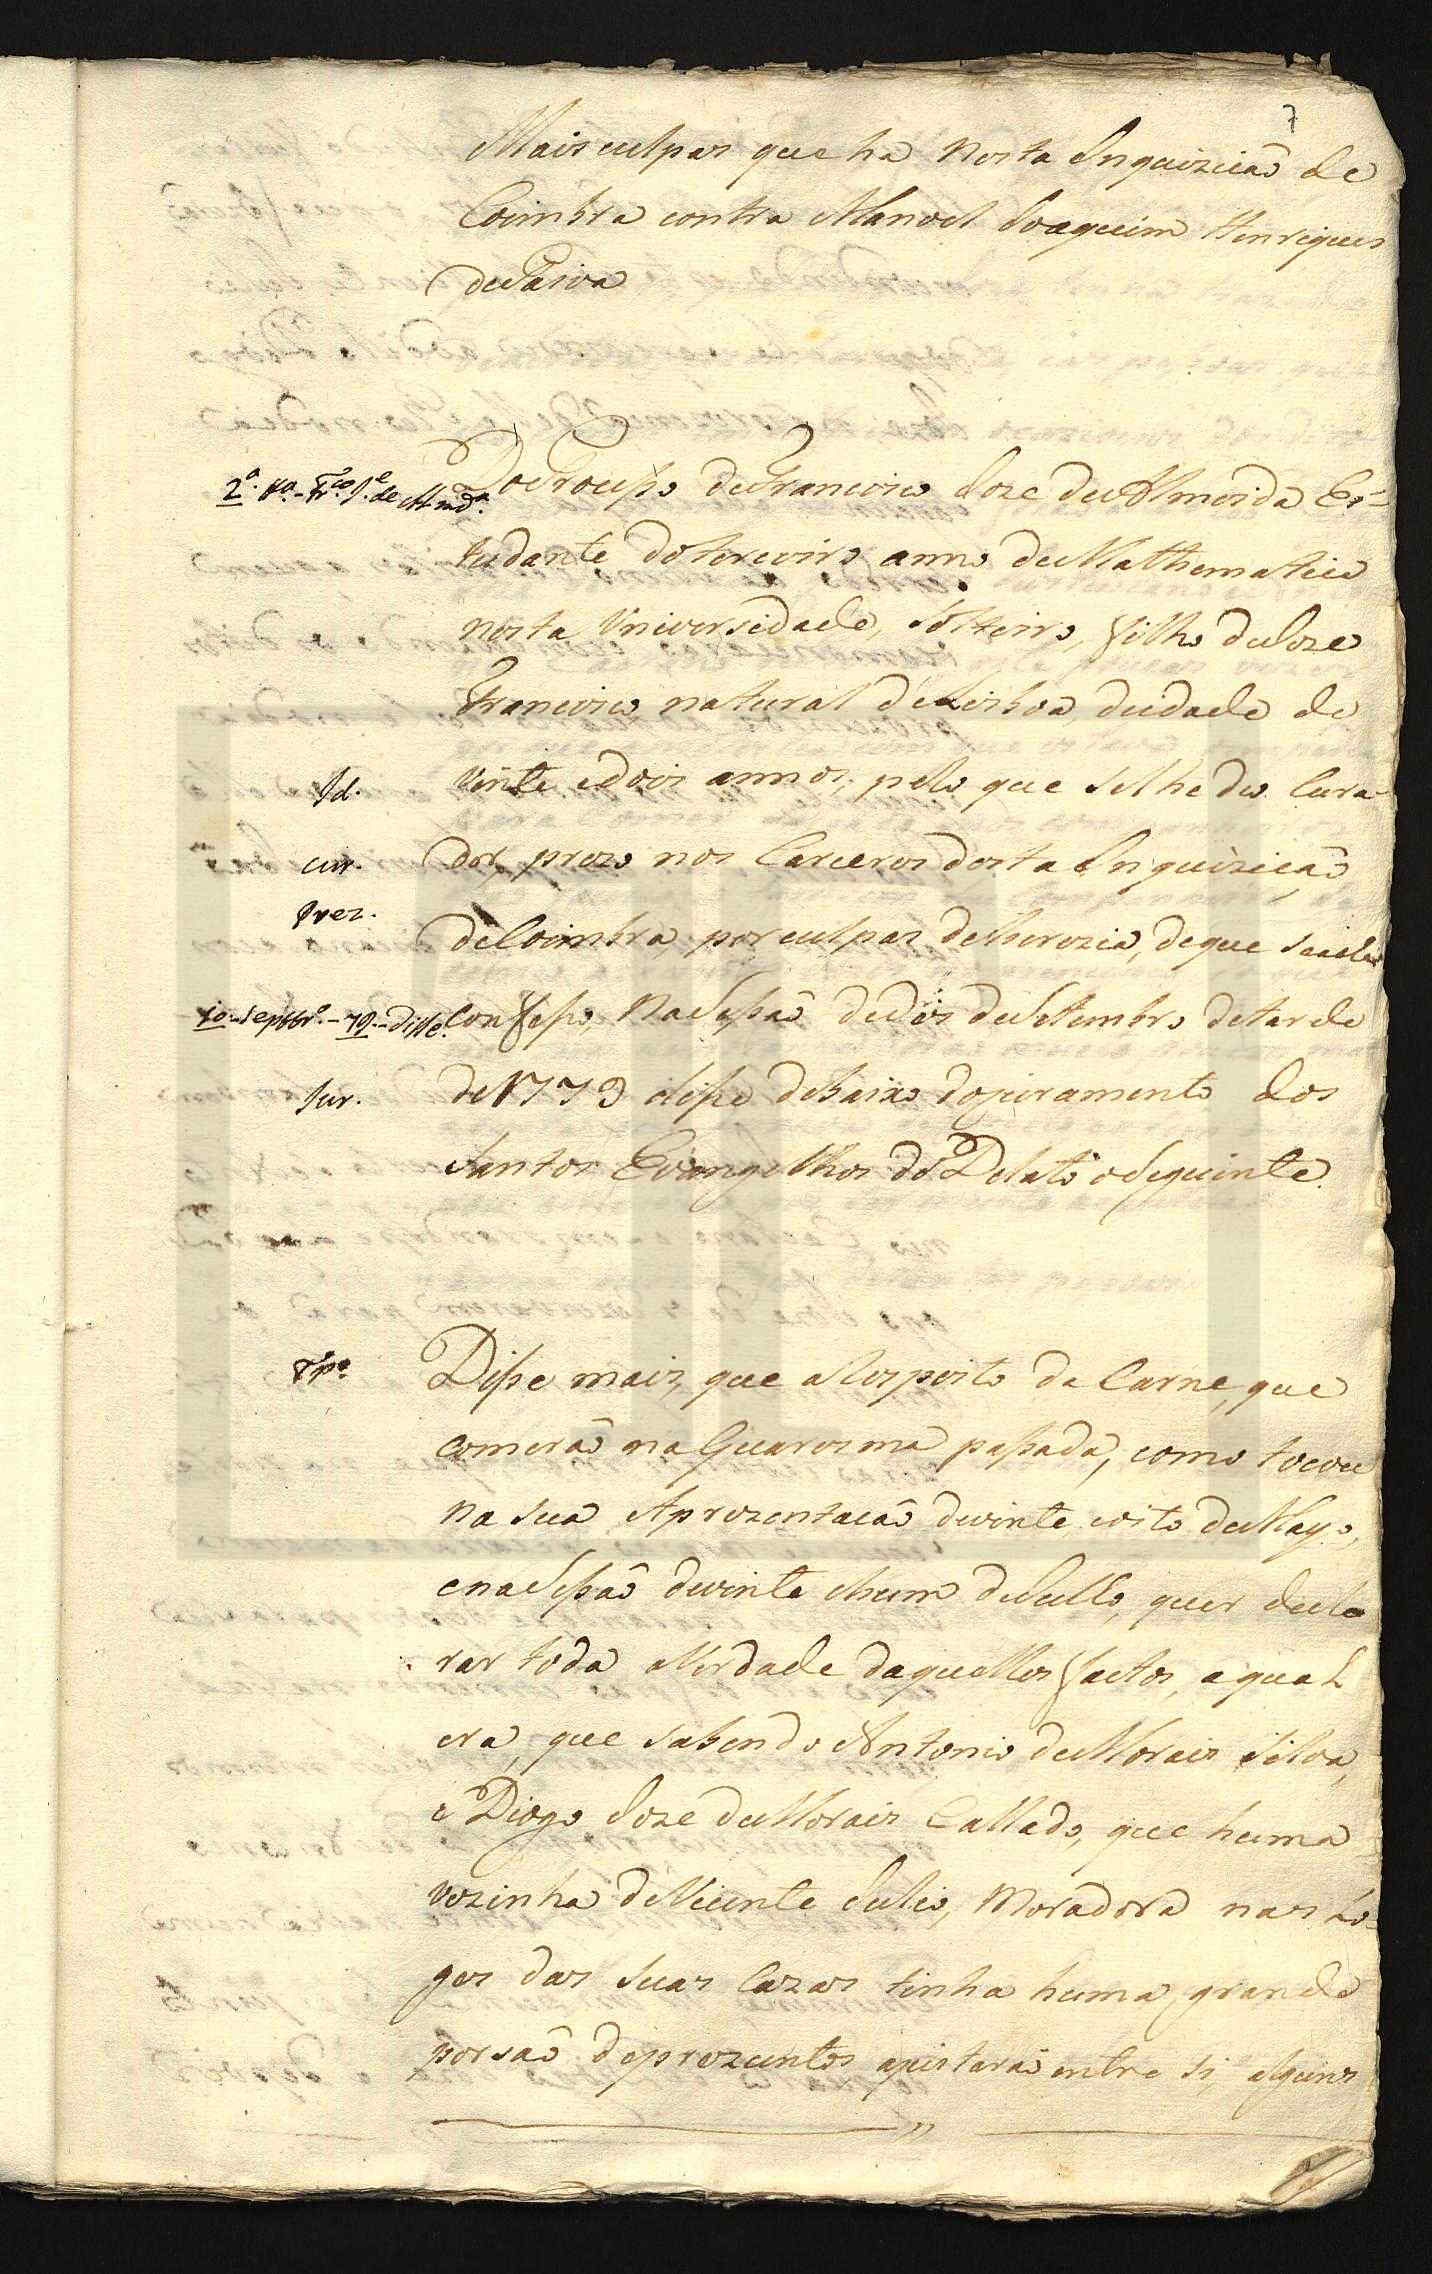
Mais culpas que ha nesta Inquizicaõ de
Coimbra contra Manoel Ioaquim Henriques
de Paiva
2.a tt.a- Fr.co I.e de Almd.a
Do Processo de Francisco Ioze de Almeida Es
tudante do terceiro anno de Mathematica
nesta Universidade, Solteiro, filho de Ioze
Francisco, natural de Lisboa, de idade de
vinte e dois annos, pelo que se lhe deo Cura
Id.
dor, prezo nos Carceres desta Inquiziçaõ
cur.
Prez.
de Coimbra, por culpas de herezia, de que se acha
io-septbr.o -79- disse.
confesso, na Sessaõ de des de Setembro de tarde
de 1779 disse debaixo do juramento dos
Iur.
Santos Evangelhos do Delato o Seguinte.
Tx.o
Disse mais, que a Respeito da Carne, que
comeraõ na Quaresma passada, como tocou
na sua Aprezentacaõ de vinte e oito de Mayo,
e na Sessaõ de vinte e hum de Iulho, quer decla
rar toda a Verdade daquelles factos, o quaL
era, que sabendo Antonio de Morais Silva,
e Diogo Ioze Morais Callado, que huma
vizinha de Vicente Iulio, Moradora nas Lo
ges das suas cazas tinha huma grande
porsaõ de prezuntos ajustaraõ entre si alguns
